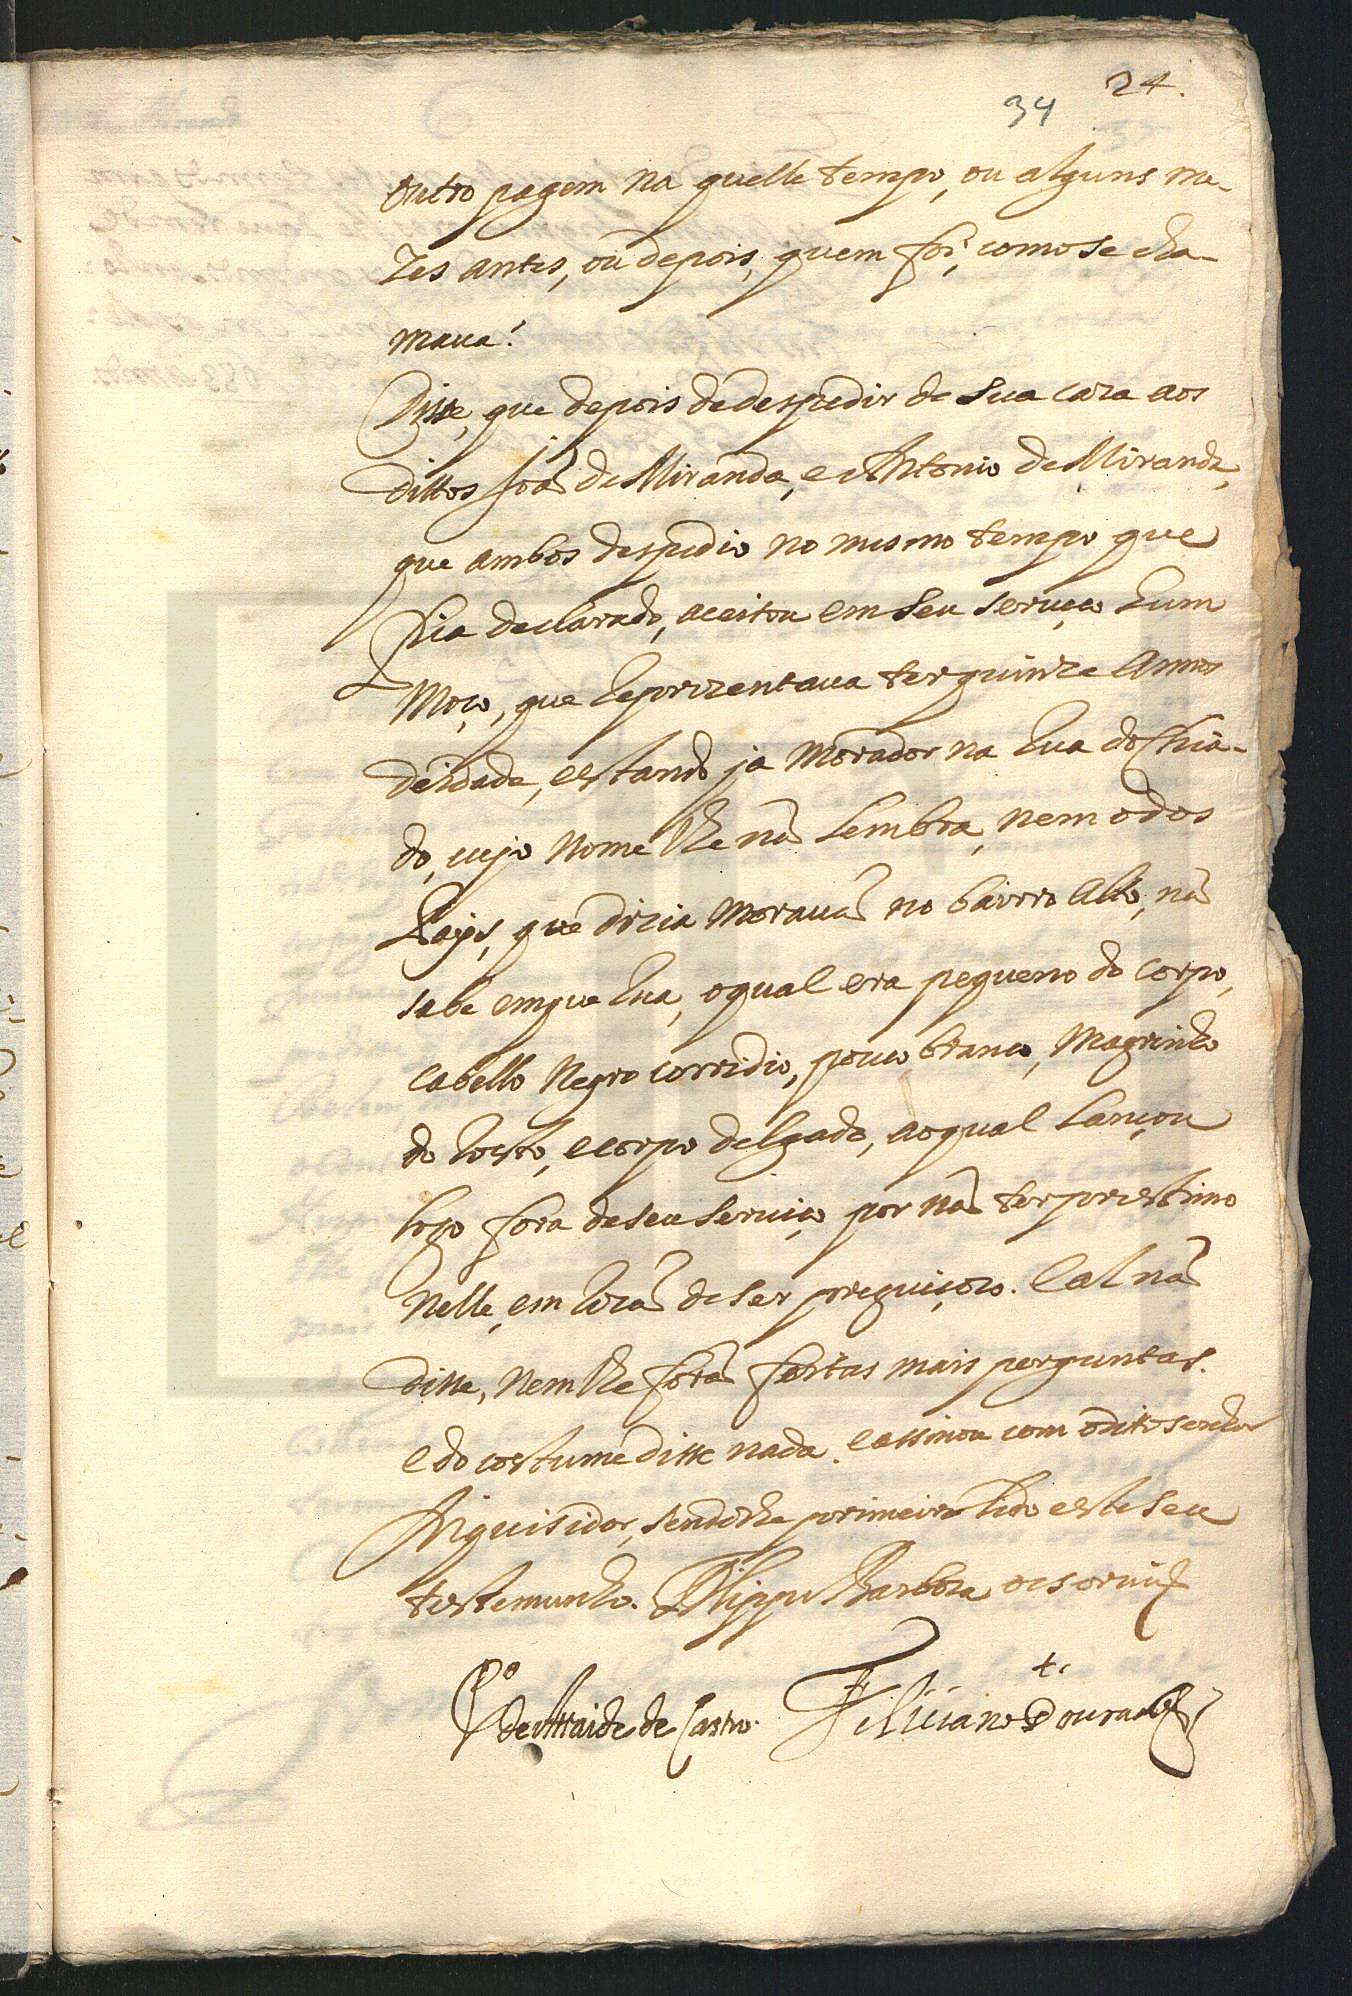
outro pagem naquelle tempo, ou alguns me
zes antes, ou depois, quem foi, como se cha
maua?
Disse, que depois de despedir de sua caza aos
dittos Joaõ de Miranda, e Antonio de Miranda,
que ambos despedio no mesmo tempo que
fica declarado, aceitou em seu seruiço hum
Moço, que Reprezentaua ter quinze annos
de idade, estando ja morador na Rua do Chia
do, cujo nome lhe naõ lembra, nem o dos
Pays, que dizia morauaõ no bairro alto, naõ
sabe em que Rua, o qual era pequeno do corpo,
cabello negro corridio, pouco branco, magrinho
do Rosto, e corpo delgado, ao qual Lançou
logo fora de seu seruiço por naõ ter prestimo
nelle, em Rezaõ de ser preguiçozo. e al naõ
disse, nem lhe foraõ feitas mais perguntas.
e do costume disse nada. e assinou com o ditto senhor
Jnquisidor, sendolhe primeiro lido este seu
testemunho. Filippe Barboza o escreui
